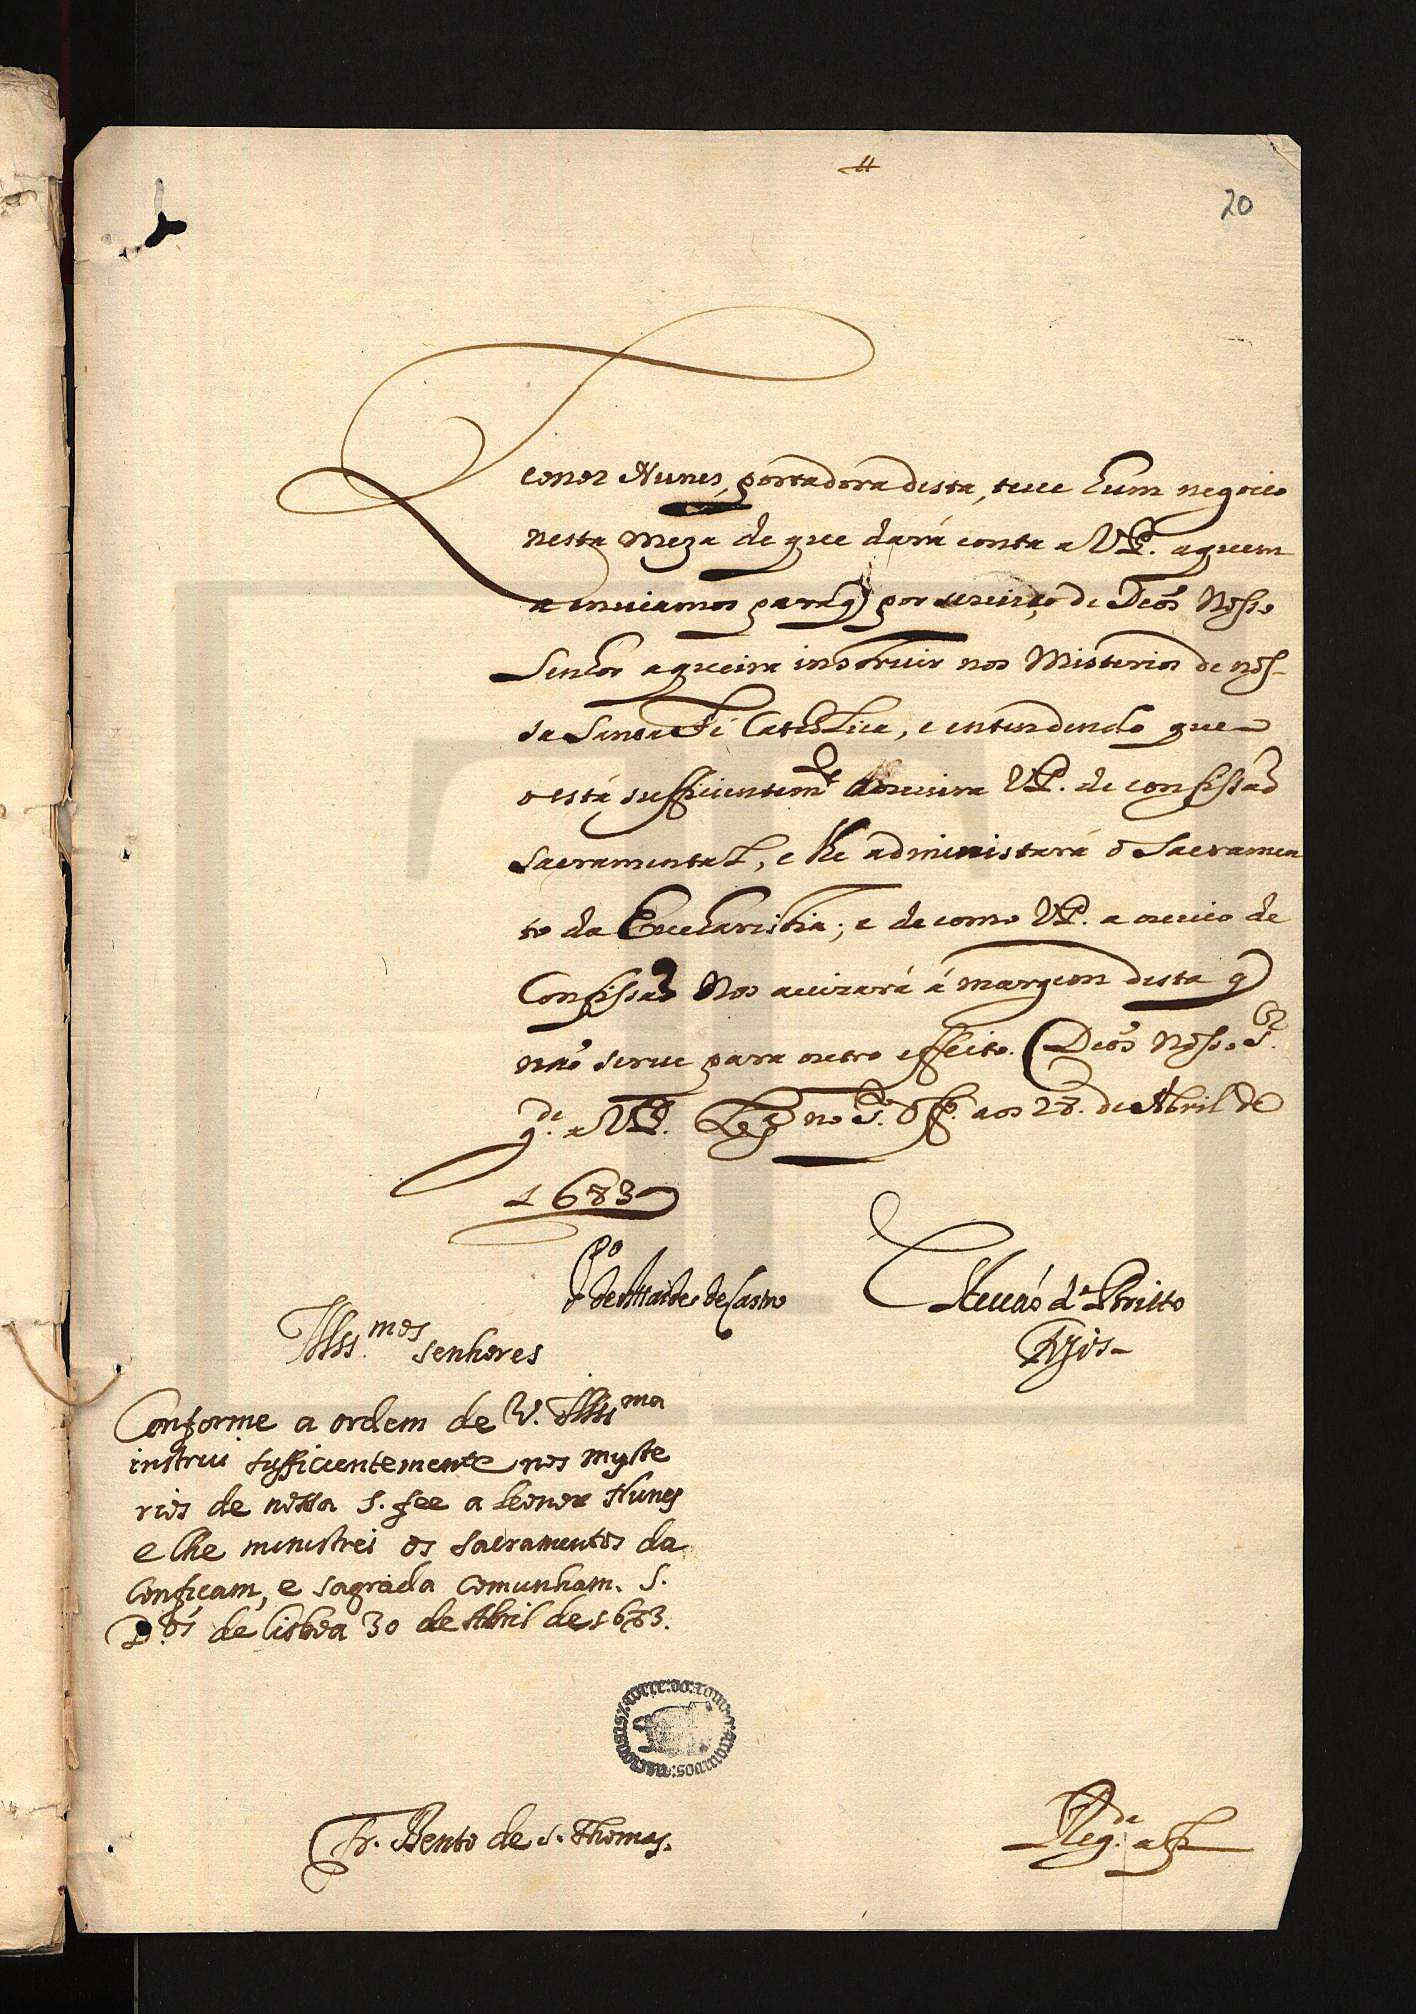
Leonor Nunes portadora desta, teue hum negocio
nesta meza de que dará conta a V P. a quem
a enuiamos para q̄ por seruiço de Deos̄ nosso
Senhor a queira instruir nos Misterios de nos
sa Santa Fé Catholica, e entendendo que
o está sufficientemte houuira V P. de confissaõ
sacramental, e lhe administara o Sacramen
to da Eucharistia; e de como V P. a ouuio de
Confissaõ nos auizará á margem desta q̄
naõ serue para outro effeito. Deos̄ nosso s.or
g.de a V P. Lxa no s.to off.o aos 28. de Abril de
1683
Po de Attaide de Castro
Esteuaõ de Britto
Fojos
Illss.mos senhores
Conforme a ordem de V. Illssma
instrui sufficientemente nos miste
rios de nossa s. fee a Leonor Nunes
e lhe ministrei os sacramentos da
confiçam, e sagrada comunham. S.
D.os de lisboa 30 de Abril de 1683.
Fr. Bento de s. Thomas.
